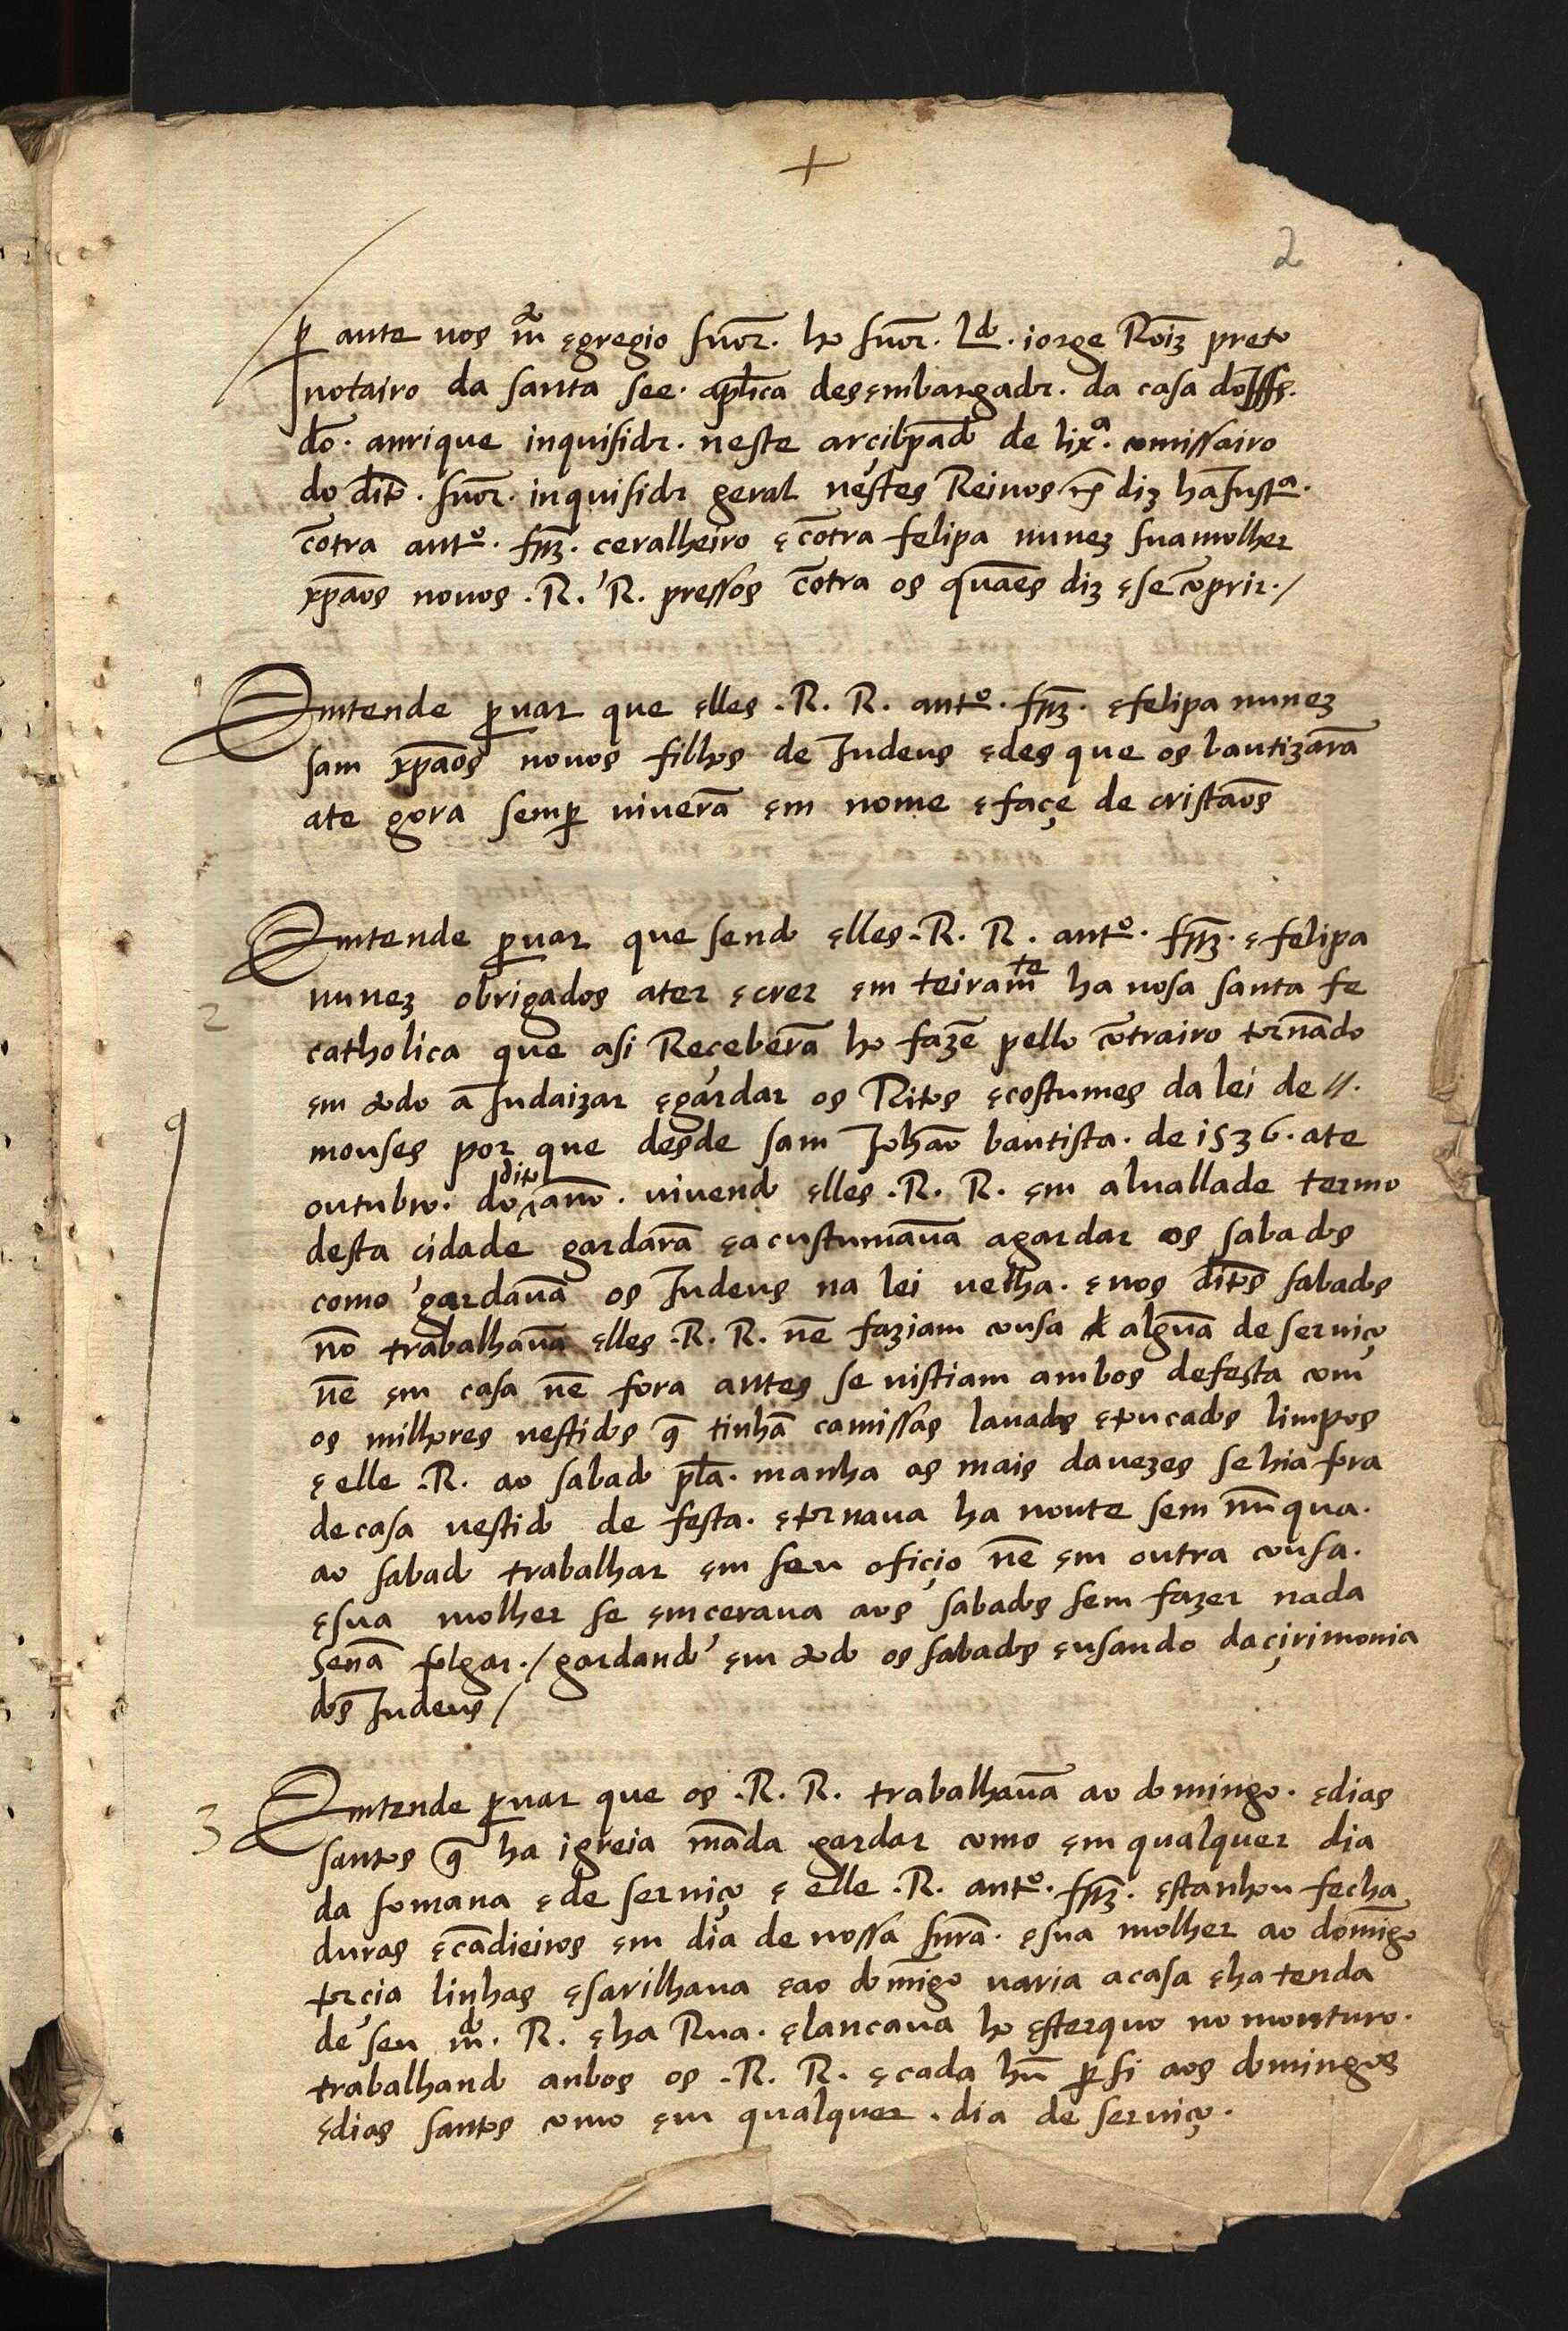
ꝑante uos mto Egregio snōr. ho snōr. Ldo. iorge Rōiz preto
notairo da santa see. ap̄lica desEmbargador. da casa do Jffꝭ.
dō. anrique inquisidor. neste arçibp̄ado de lixa. comissairo
do dito . snōr. inquisidor geral nestes Reinos c̄ꝭ diz ha Justa.
c̄otra anto. frr̄z. çeralheiro E c̄otra felipa nunez sua molher
xpãos nouos .R. R. pressos c̄otra os qūaes diz E se c̄oprir./
Emtende ꝓuar que elles .R. R. anto. fr̄rz . E felipa nunez
sam xpãos nouos filhos de Judeus E des que os bautizāra
ate gora semꝑ uiuer̄a Em nome E façe de cristãos
Emtende ꝓuar que sendo Elles .R.R. anto. fr̄rz. E felipa
nunez obrigados a ter E crer Em teiramte ha nosa santa fe
catholica que asi Reçeber̄a ho faz̄e pello c̄otrairo torn̄ado
Em todo a Judaizar E gardar os Ritos E costumes da lei de //.
mouses por que desde sam Johão bautista. de i536. ate
outubro. do
dito
āno . uiuendo Elles .R. R. em aluallade termo
desta çidade gardar̄a E acustumāua agardar os sabados
como gardaūa os Judeus na lei uelha. E nos ditos sabados
n̄o trabalhaūa Elles .R. R. n̄e faziam cousa d alḡua de seruiço
n̄e Em casa n̄e fora antes se uistiam ambos de festa com
os milhores uestidos q̄ tinhā camissas lauadas E toucados limpos
E elle .R. ao sabado p̄la. manha as mais da uezes se hia fora
de casa uestido de festa. E tornaua ha noute sem n̄uqua.
ao Sabado trabalhar Em seu ofiçio n̄e Em outra cousa.
E sua molher se Emçeraua aos sabados sem fazer nada
sen̄a folgar ./ gardando Em todo os sabados E usando da çirimonia
dos Judeus /
Emtende ꝓuar que os .R. R. trabalhaūa ao domingo. E dias
santos q̄ ha igreia m̄ada gardar como Em qualquer dia
da somana E de seruiço E elle .R. anto. fr̄rz. Estanhou fecha
duras E c̄adieiros Em dia de nossa Snr̄a. E sua molher ao dom̄igo
torçia linhas E sarilhaua E ao dom̄igo uaria a casa E ha tenda
de seu mdo. R. E a Rua. E lancaua ho Esterquo no monturo.
trabalhando anbos os .R. R. E cada hū ꝑ si aos domingos
E dias santos como Em qualquer . dia de seruiço.
